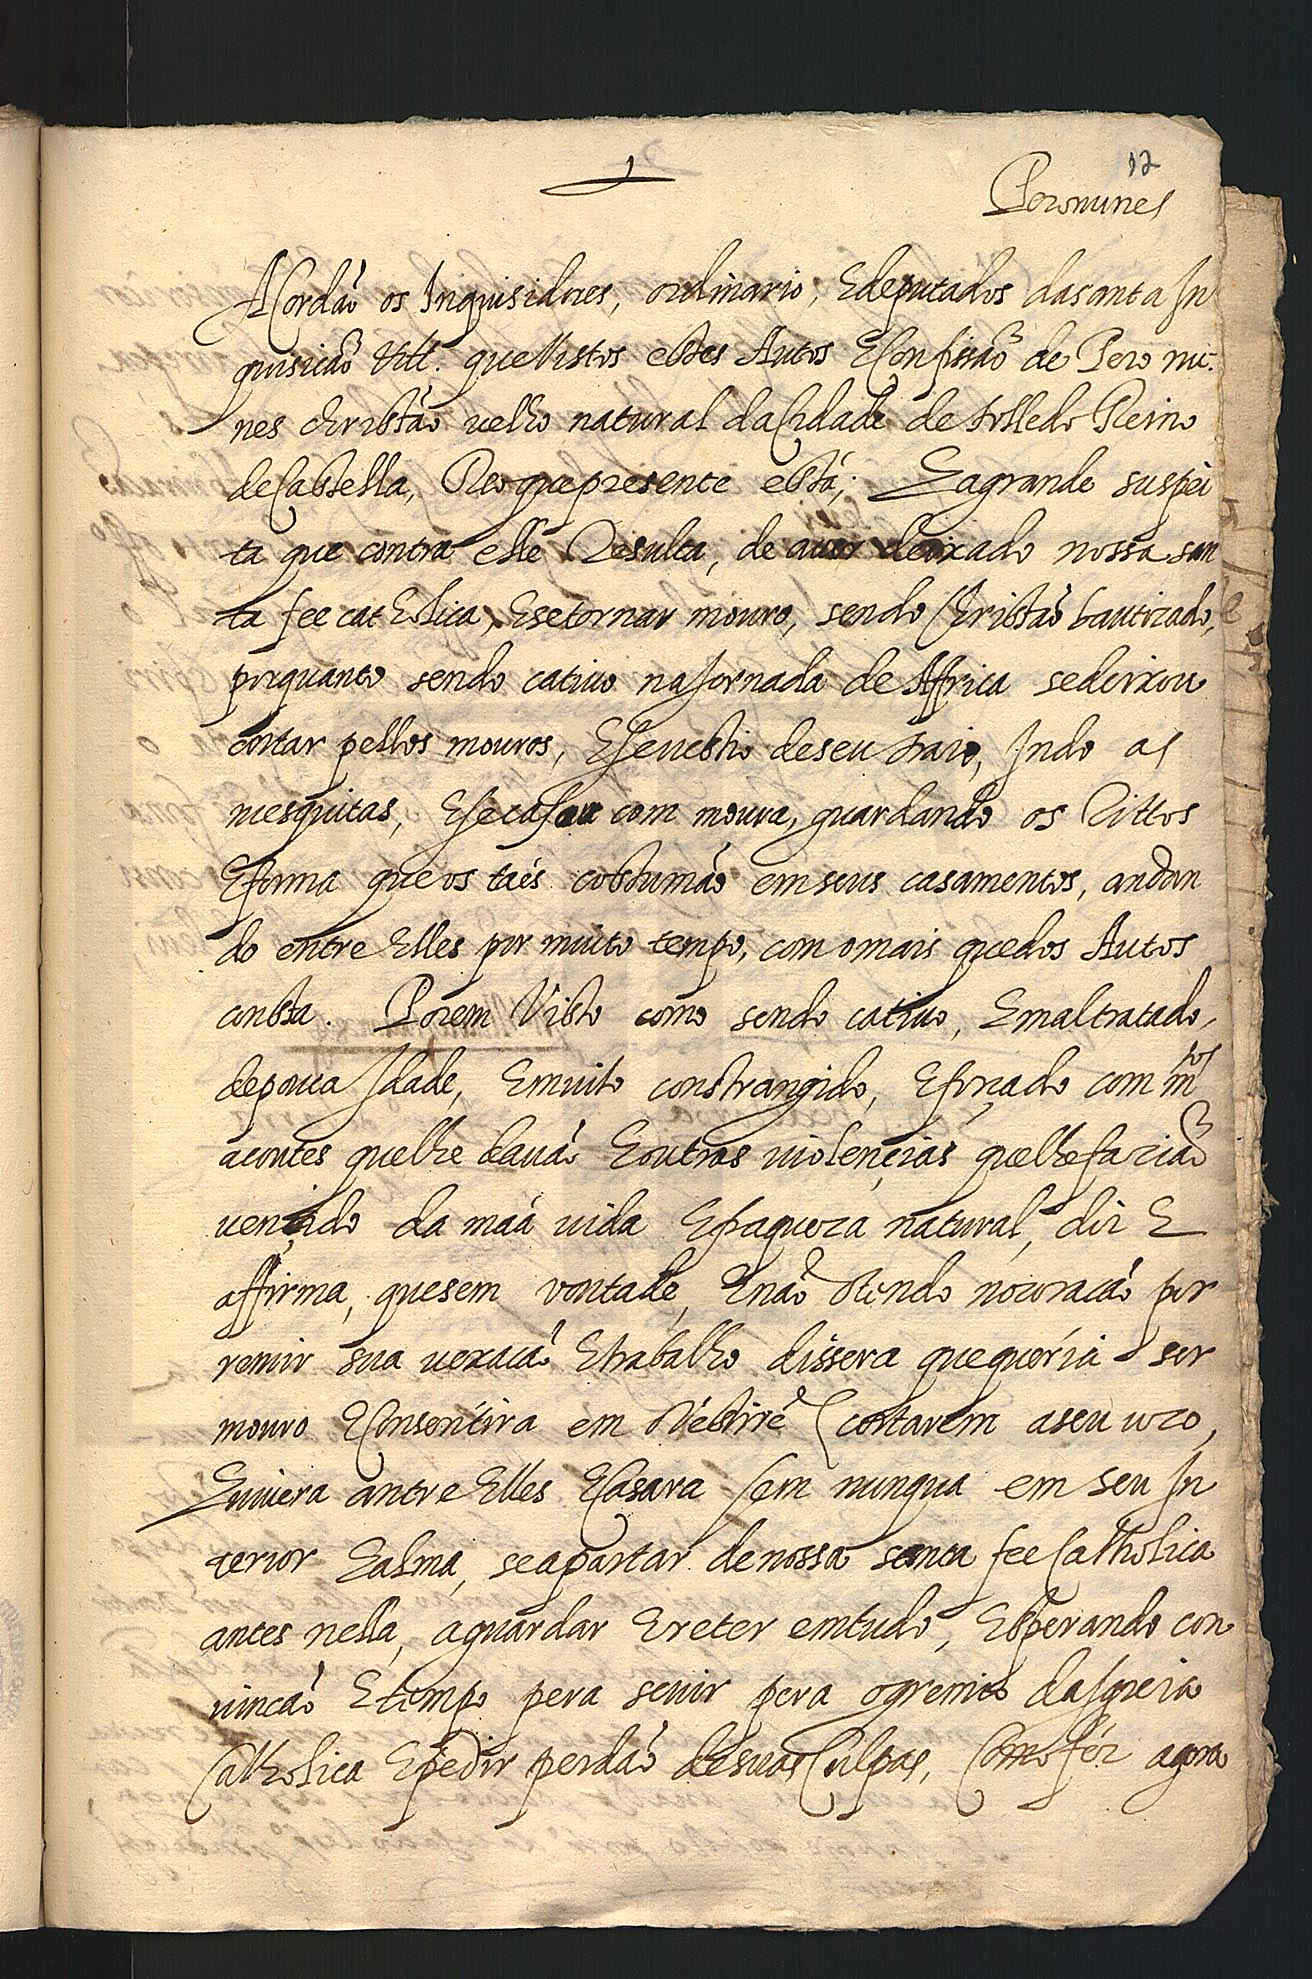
Pero nunes
ACordaõ os Inquisidores, ordinario, E deputados da santa Jn
quisiçaõ &tt. que Vistos estes Autos E Confissão de Pero nu
nes christaõ uelho natural da Cidade de tolledo Reino
de Castella, Reo que presente está; E a grande suspei
ta que contra elle Resulta, de auer deixado nossa san
ta fee catholica, E se tornar mouro, sendo Christaõ bautizado,
porquanto sendo catiuo na Jornada de Affrica se deixou
cortar pellos mouros, E se uestio de seu traio, Jndo as
mesquitas, E se casou com moura, guardando os Rittos
E forma que os taes costumaõ em seus casamentos, andan
do entre Elles por muito tempo, com o mais que dos Autos
consta. Porem Visto como sendo catiuo, E maltratado,
de pouca Jdade, E muito constrangido, E forçado com mtos
açoutes que lhe dauaõ E outras uiolencias que lhe faziaõ
uencido da maá uida E fraqueza natural, diz E
affirma, que sem vontade, E naõ o tendo no coraçaõ por
remir sua uexaçaõ E trabalho dissera que queria ser
mouro E Consentira em o Vestirē e cortarem a seu uzo,
E uiuera antre Elles E Casara sem nunqua em seu Jn
terior E alma, se apartar de nossa santa fee Catholica
antes nella, a guardar E reter em tudo, Esperando con
iunçaõ E tempo pera se uir pera o gremio da Jgreia
Catholica E pedir perdaõ de suas Culpas, Como fez agora
